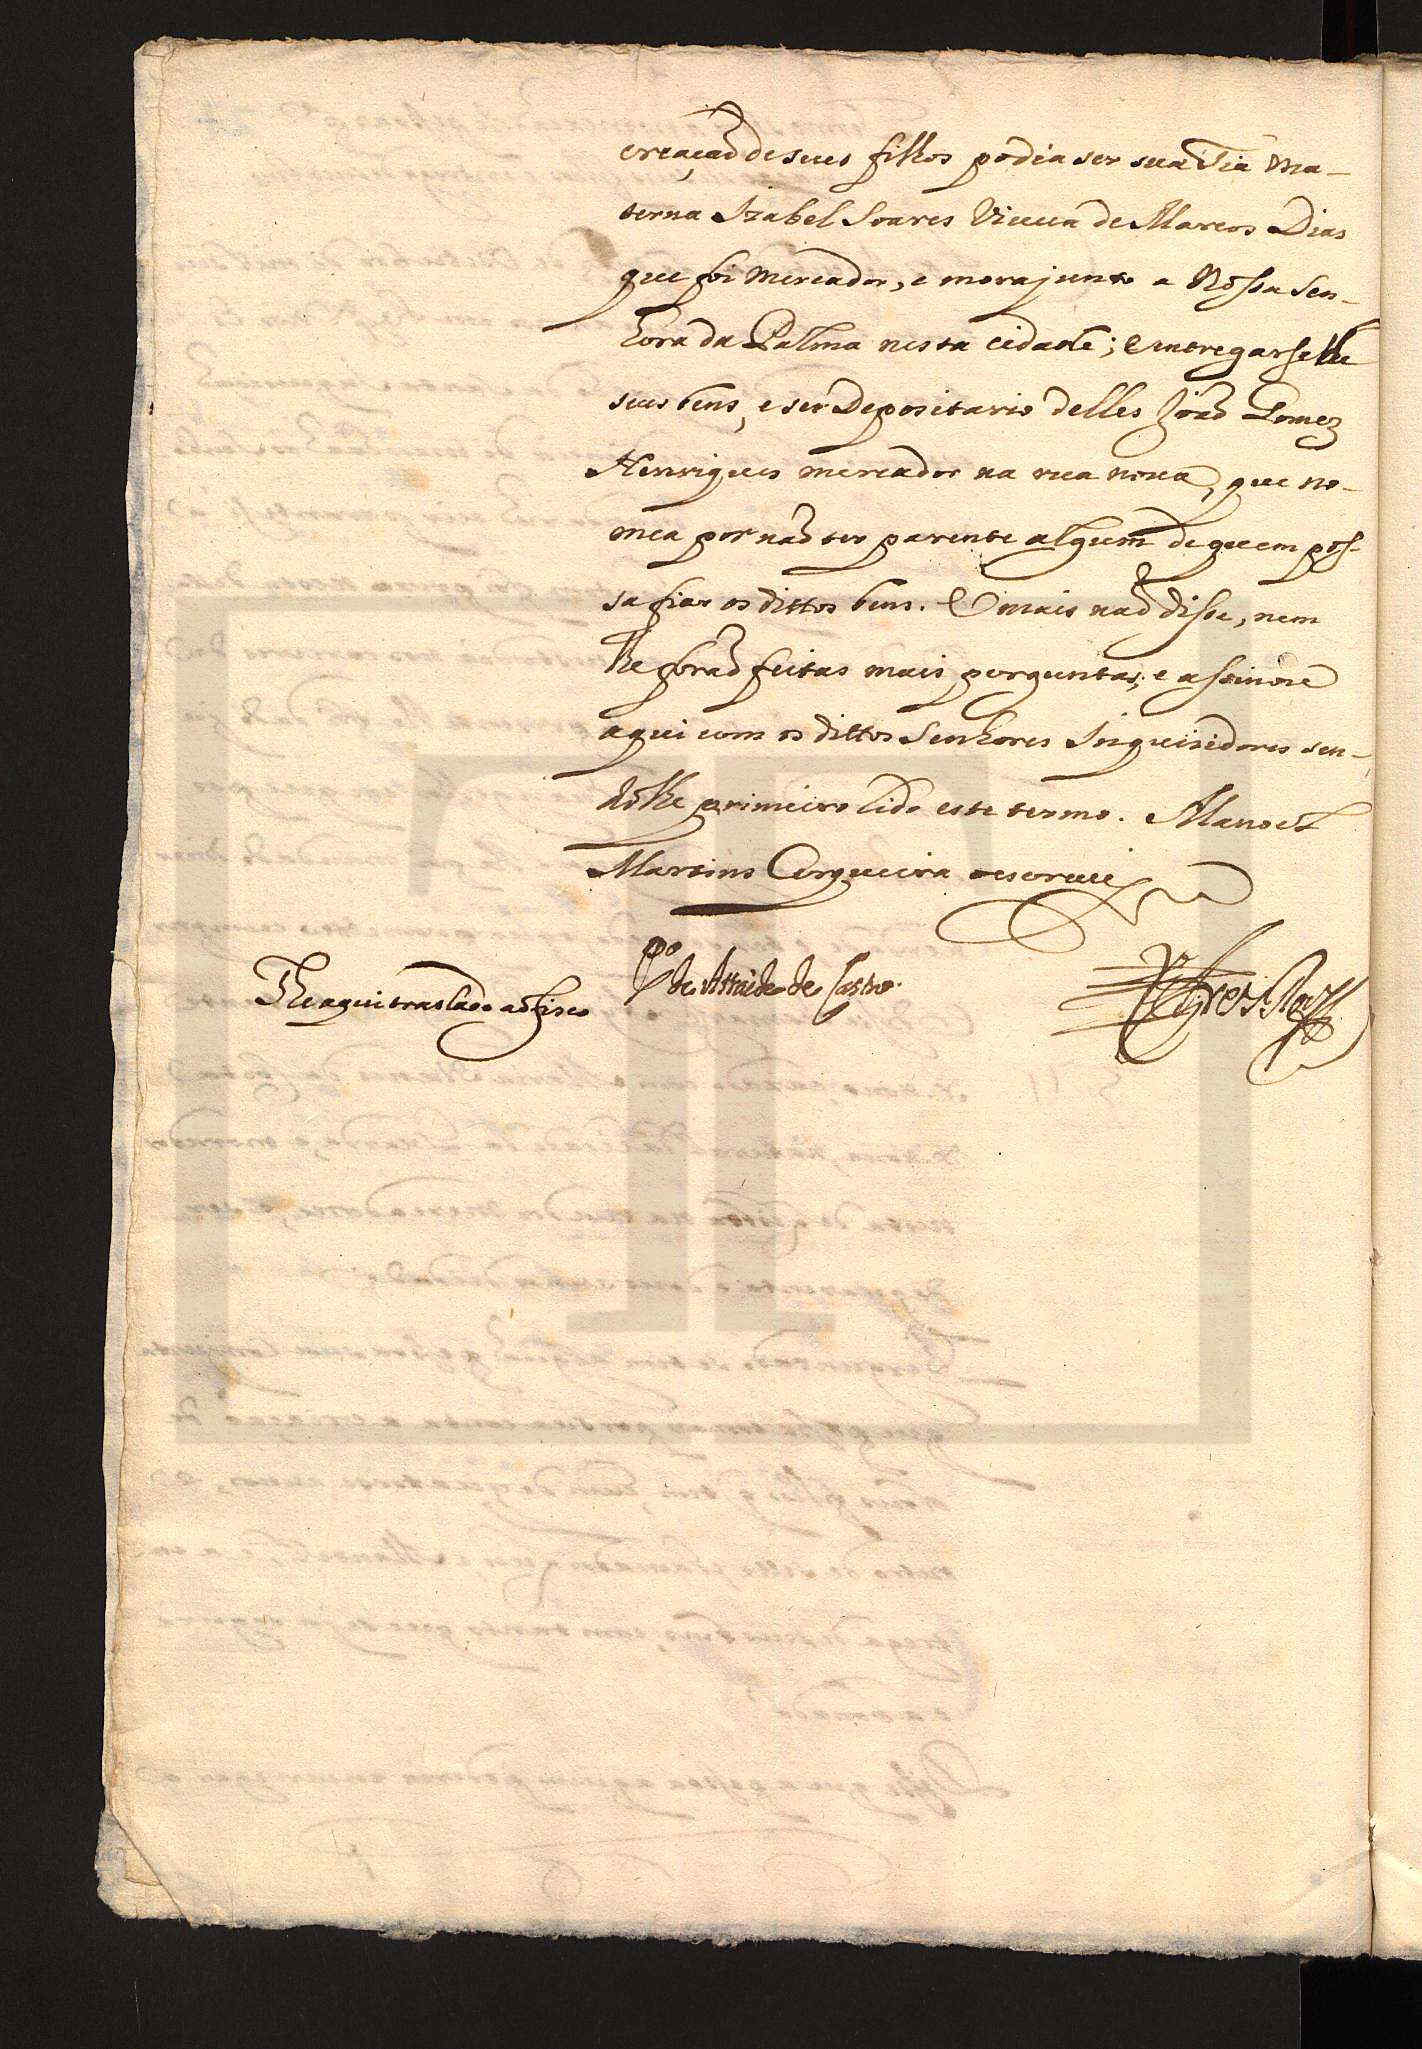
creação de seus filhos podia ser sua Tia ma
terna Izabel Soares Viuua de Marcos Dias
que foi mercador, e mora junto a Nossa Sen
hora da Palma nesta cidade; emtregarselhe
seus bens, e ser Depositario delles Joaõ Gomez
Henriques mercador na rua noua, que no
mea por naõ ter parente algum de quem pos
sa fiar os dittos bens. E mais naõ disse, nem
lhe foraõ feitas mais perguntas; e assinou
aqui com os dittos Senhores Inquisidores sen
dolhe primeiro lido este termo. Manoel
Martins Cerqueira o escreui
The aqui traslado ao Fisco
